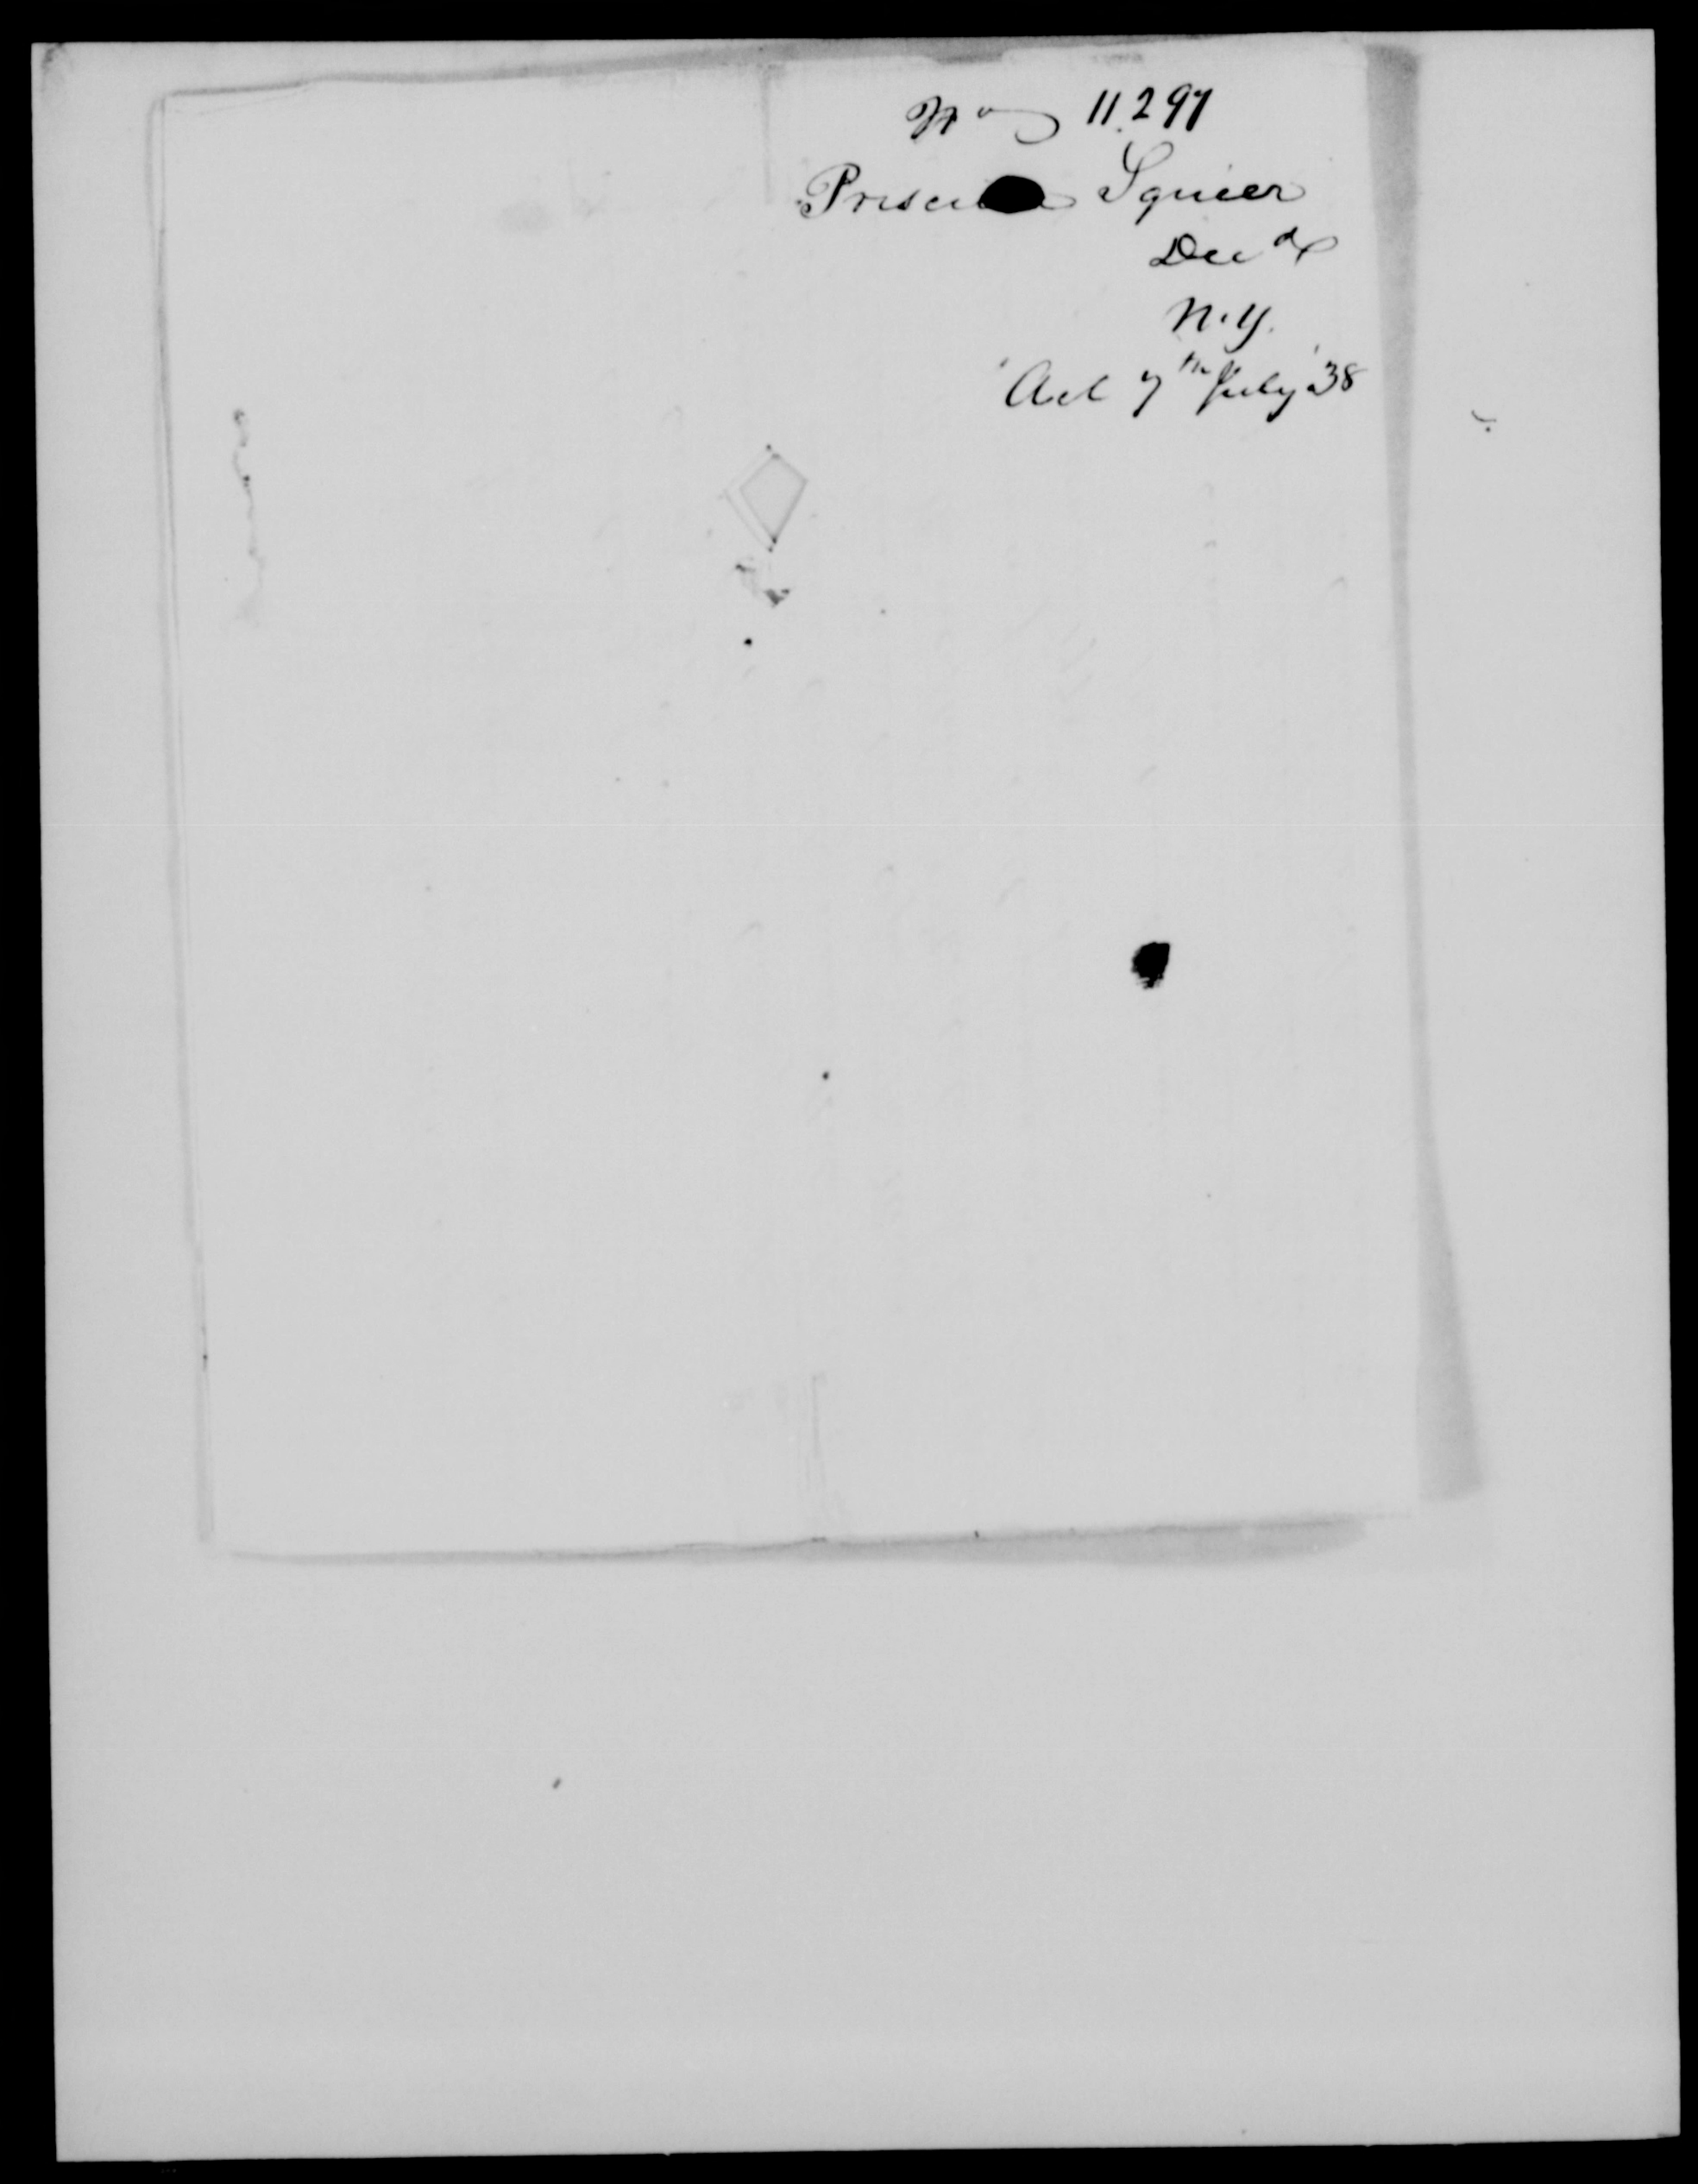No 11297
Priscilla Squier
Decd
N.Y.
Act 7th July '38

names: Priscilla Squier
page: 12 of 70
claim: rejected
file: R. 10,026, for Ephraim Squier, Connecticut